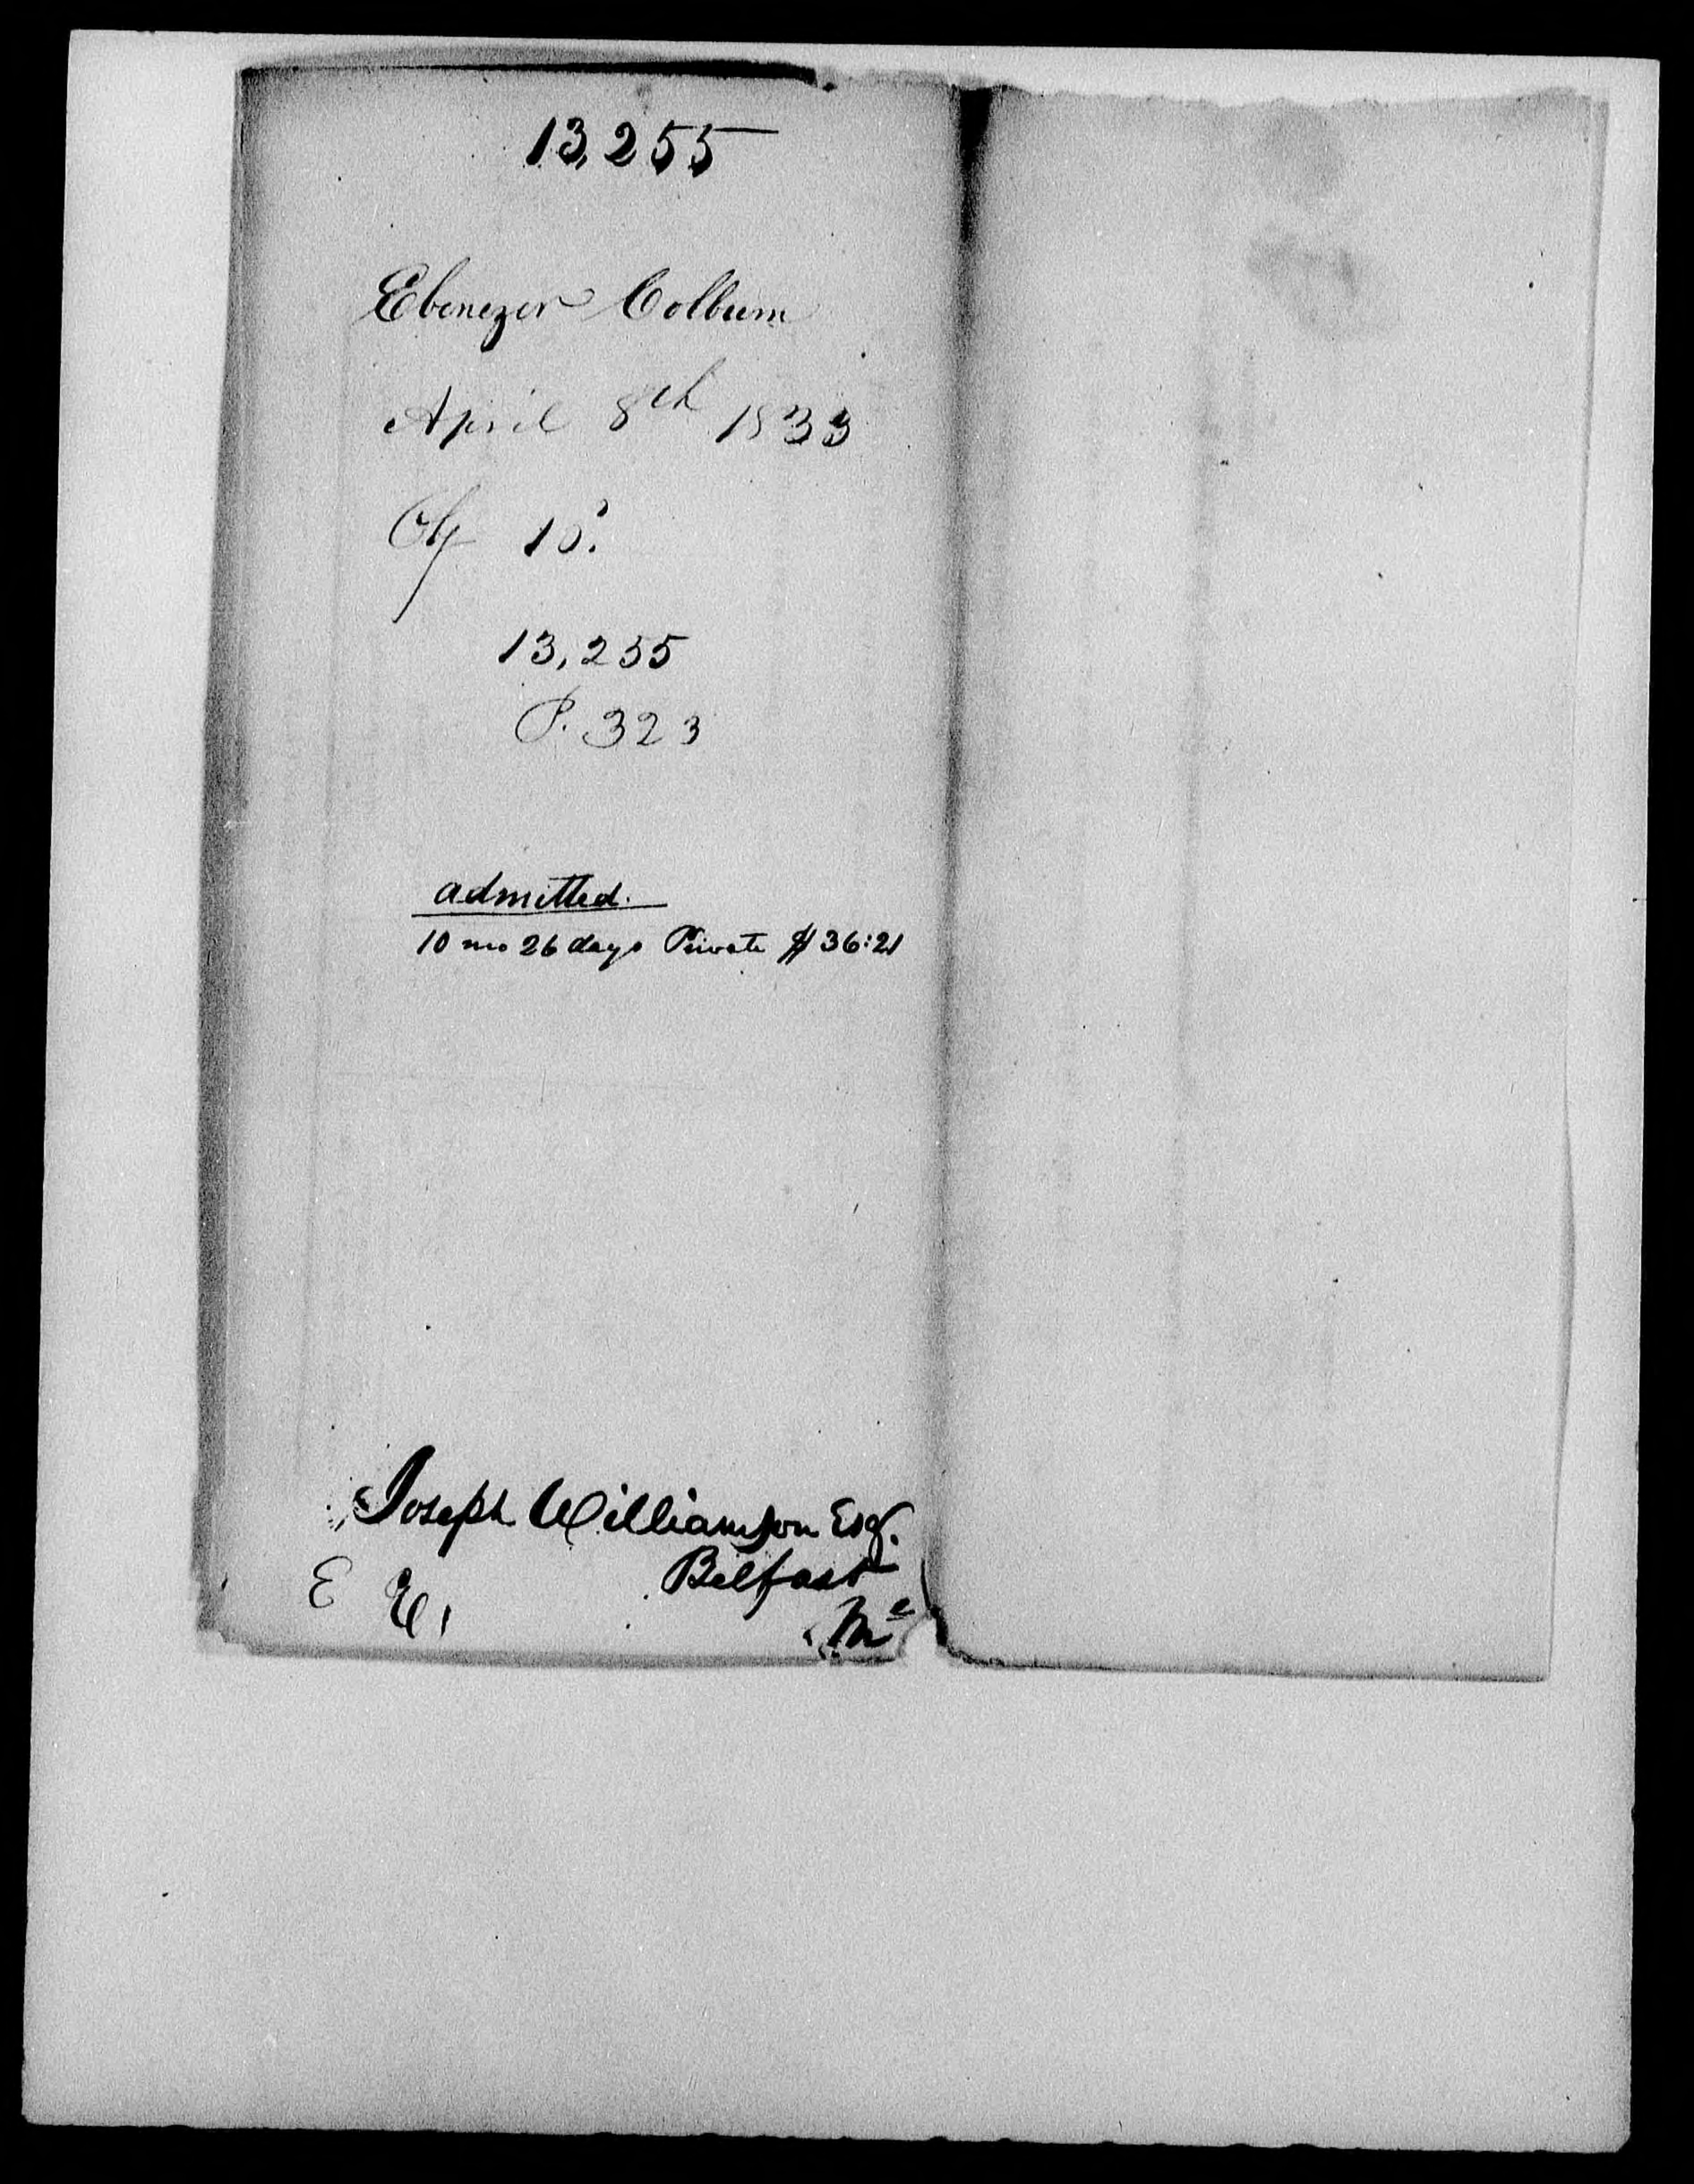13255
Ebenezer Colburn
April 8th 1833
[illegible] 10.
13,255
P. 323
admitted
10 mo 26 days Private $26.21
Joseph Williamson Esq.
Belfast
Me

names: Ebenezer Colburn, Joseph Williamson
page: 9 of 10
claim: survivor's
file: S. 29083, Ebenezer Colburn, Mass.